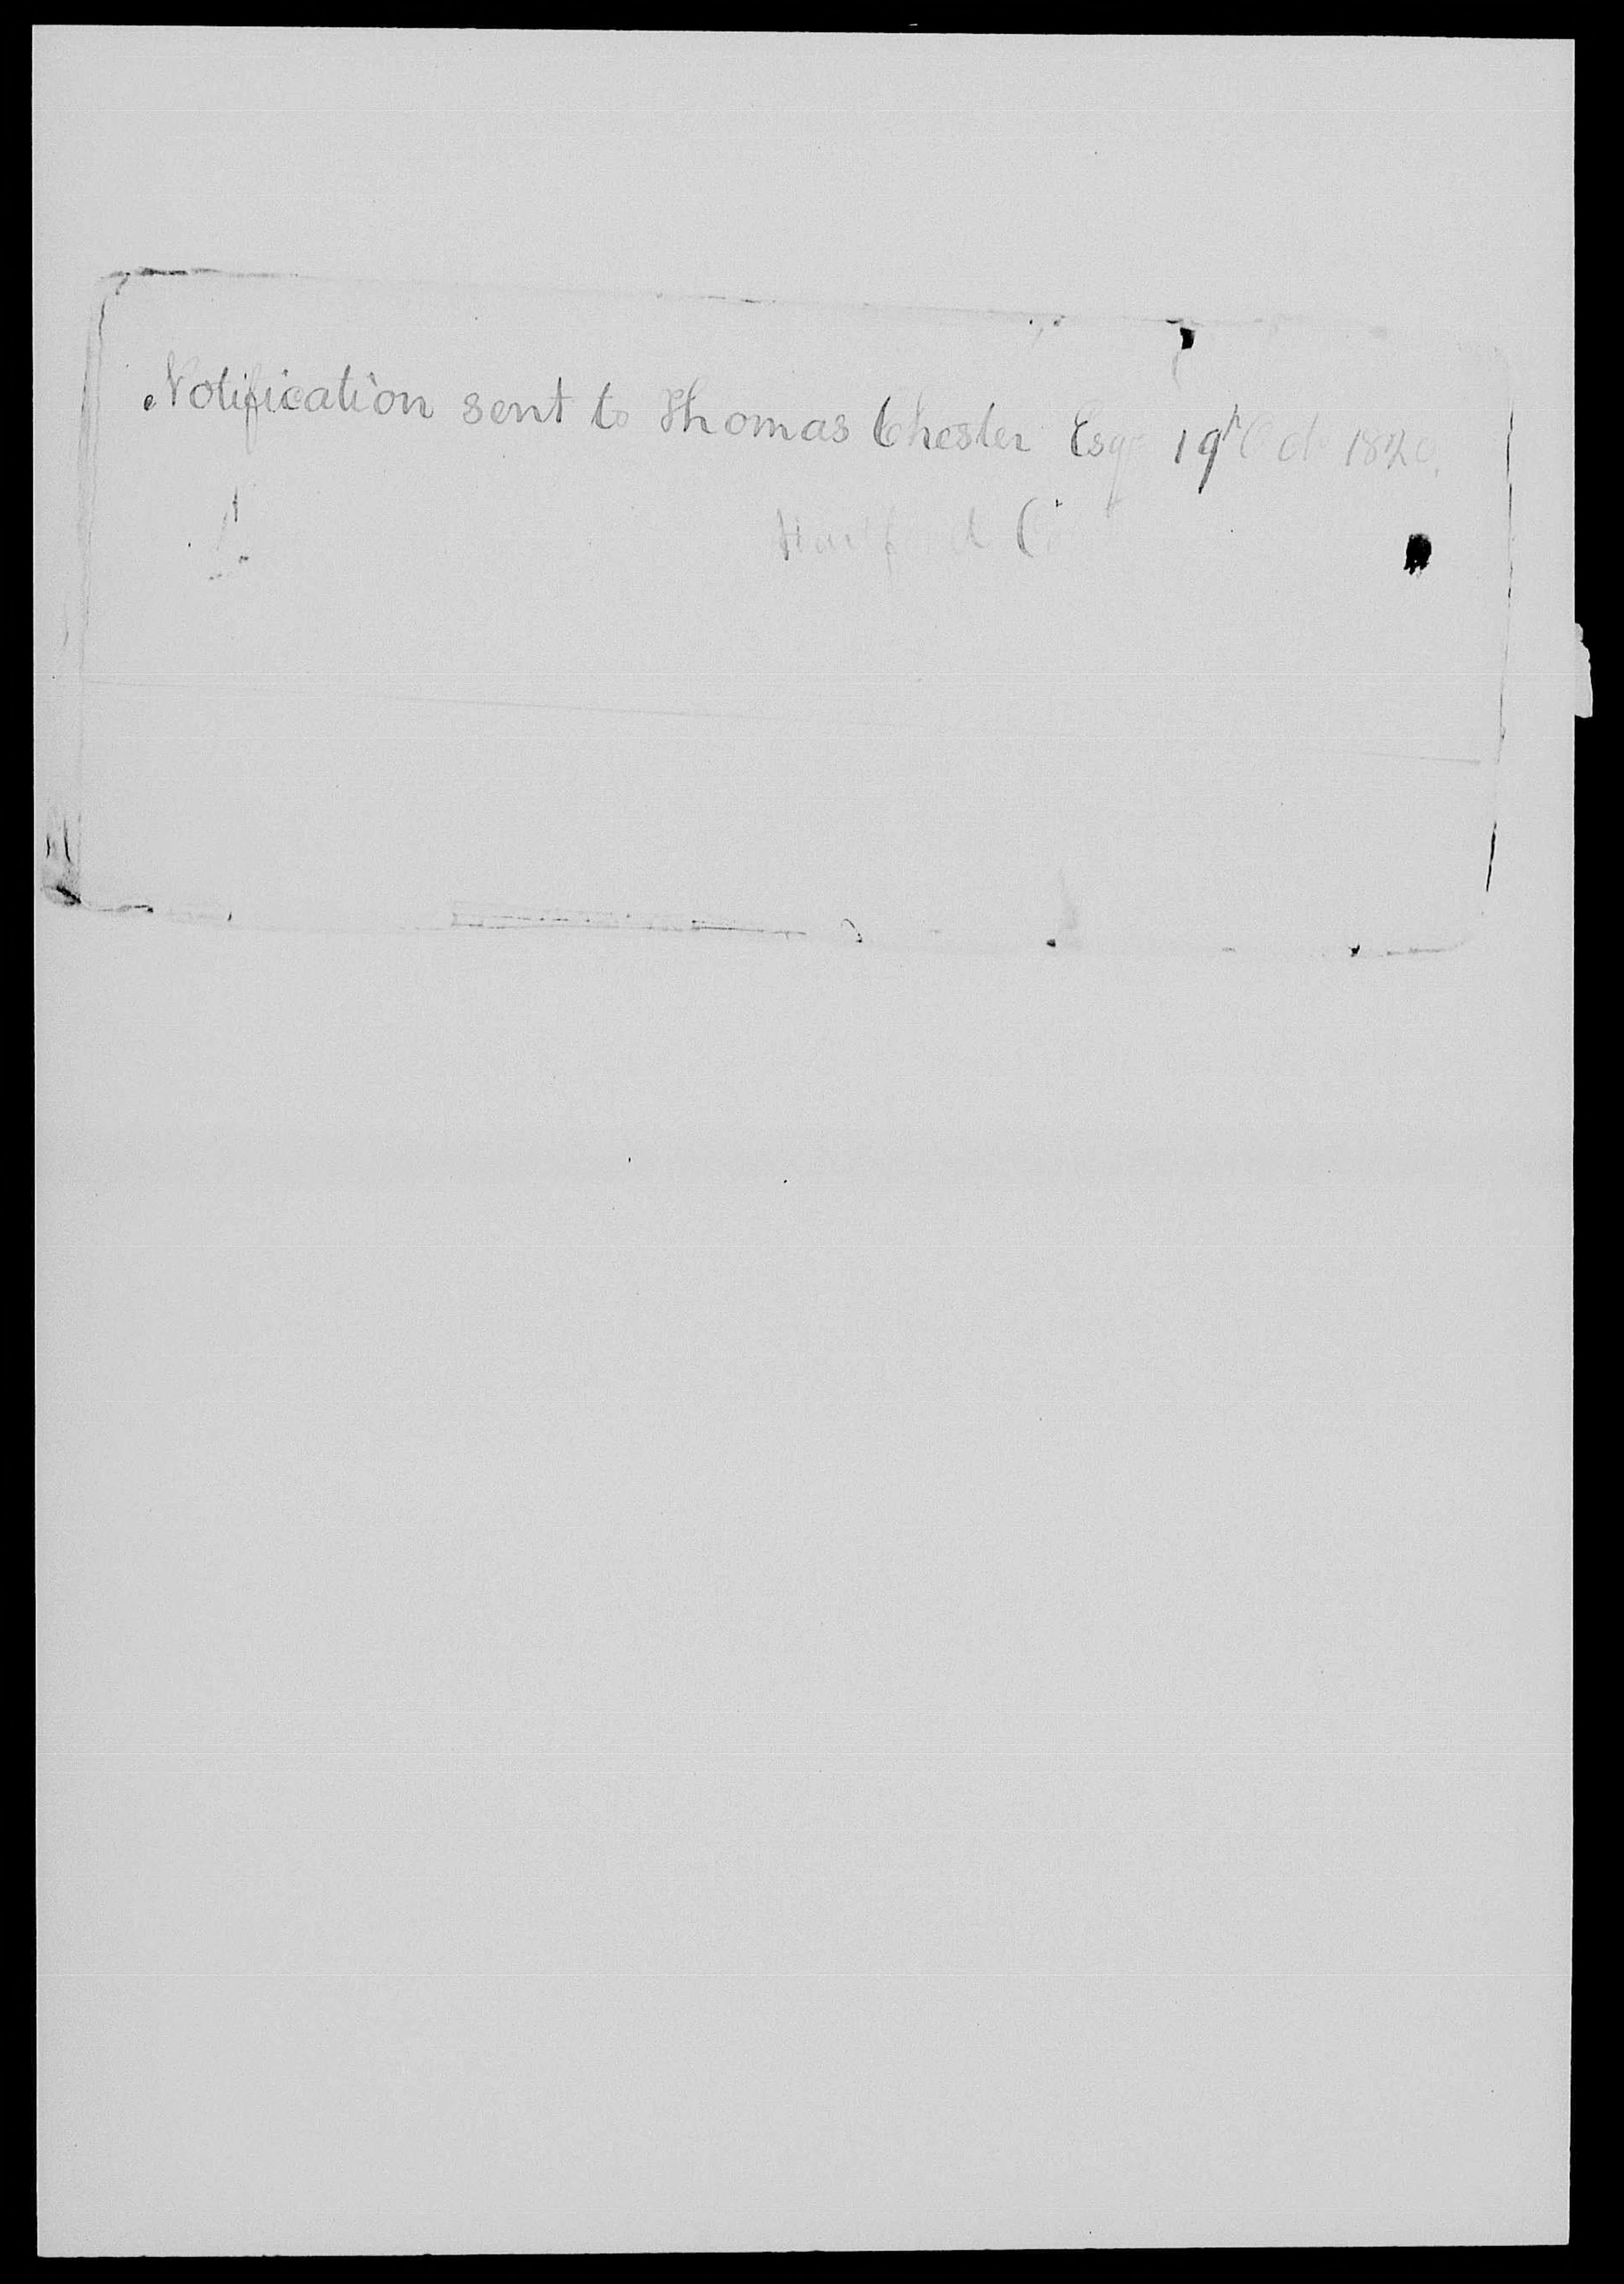Notification sent to Thomas Chester Esq 19th Oct 1820
Hartford Co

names: Thomas Chester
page: 3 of 18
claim: survivor's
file: S. 37,904, Ebenezer Edgerton, [BLANK]